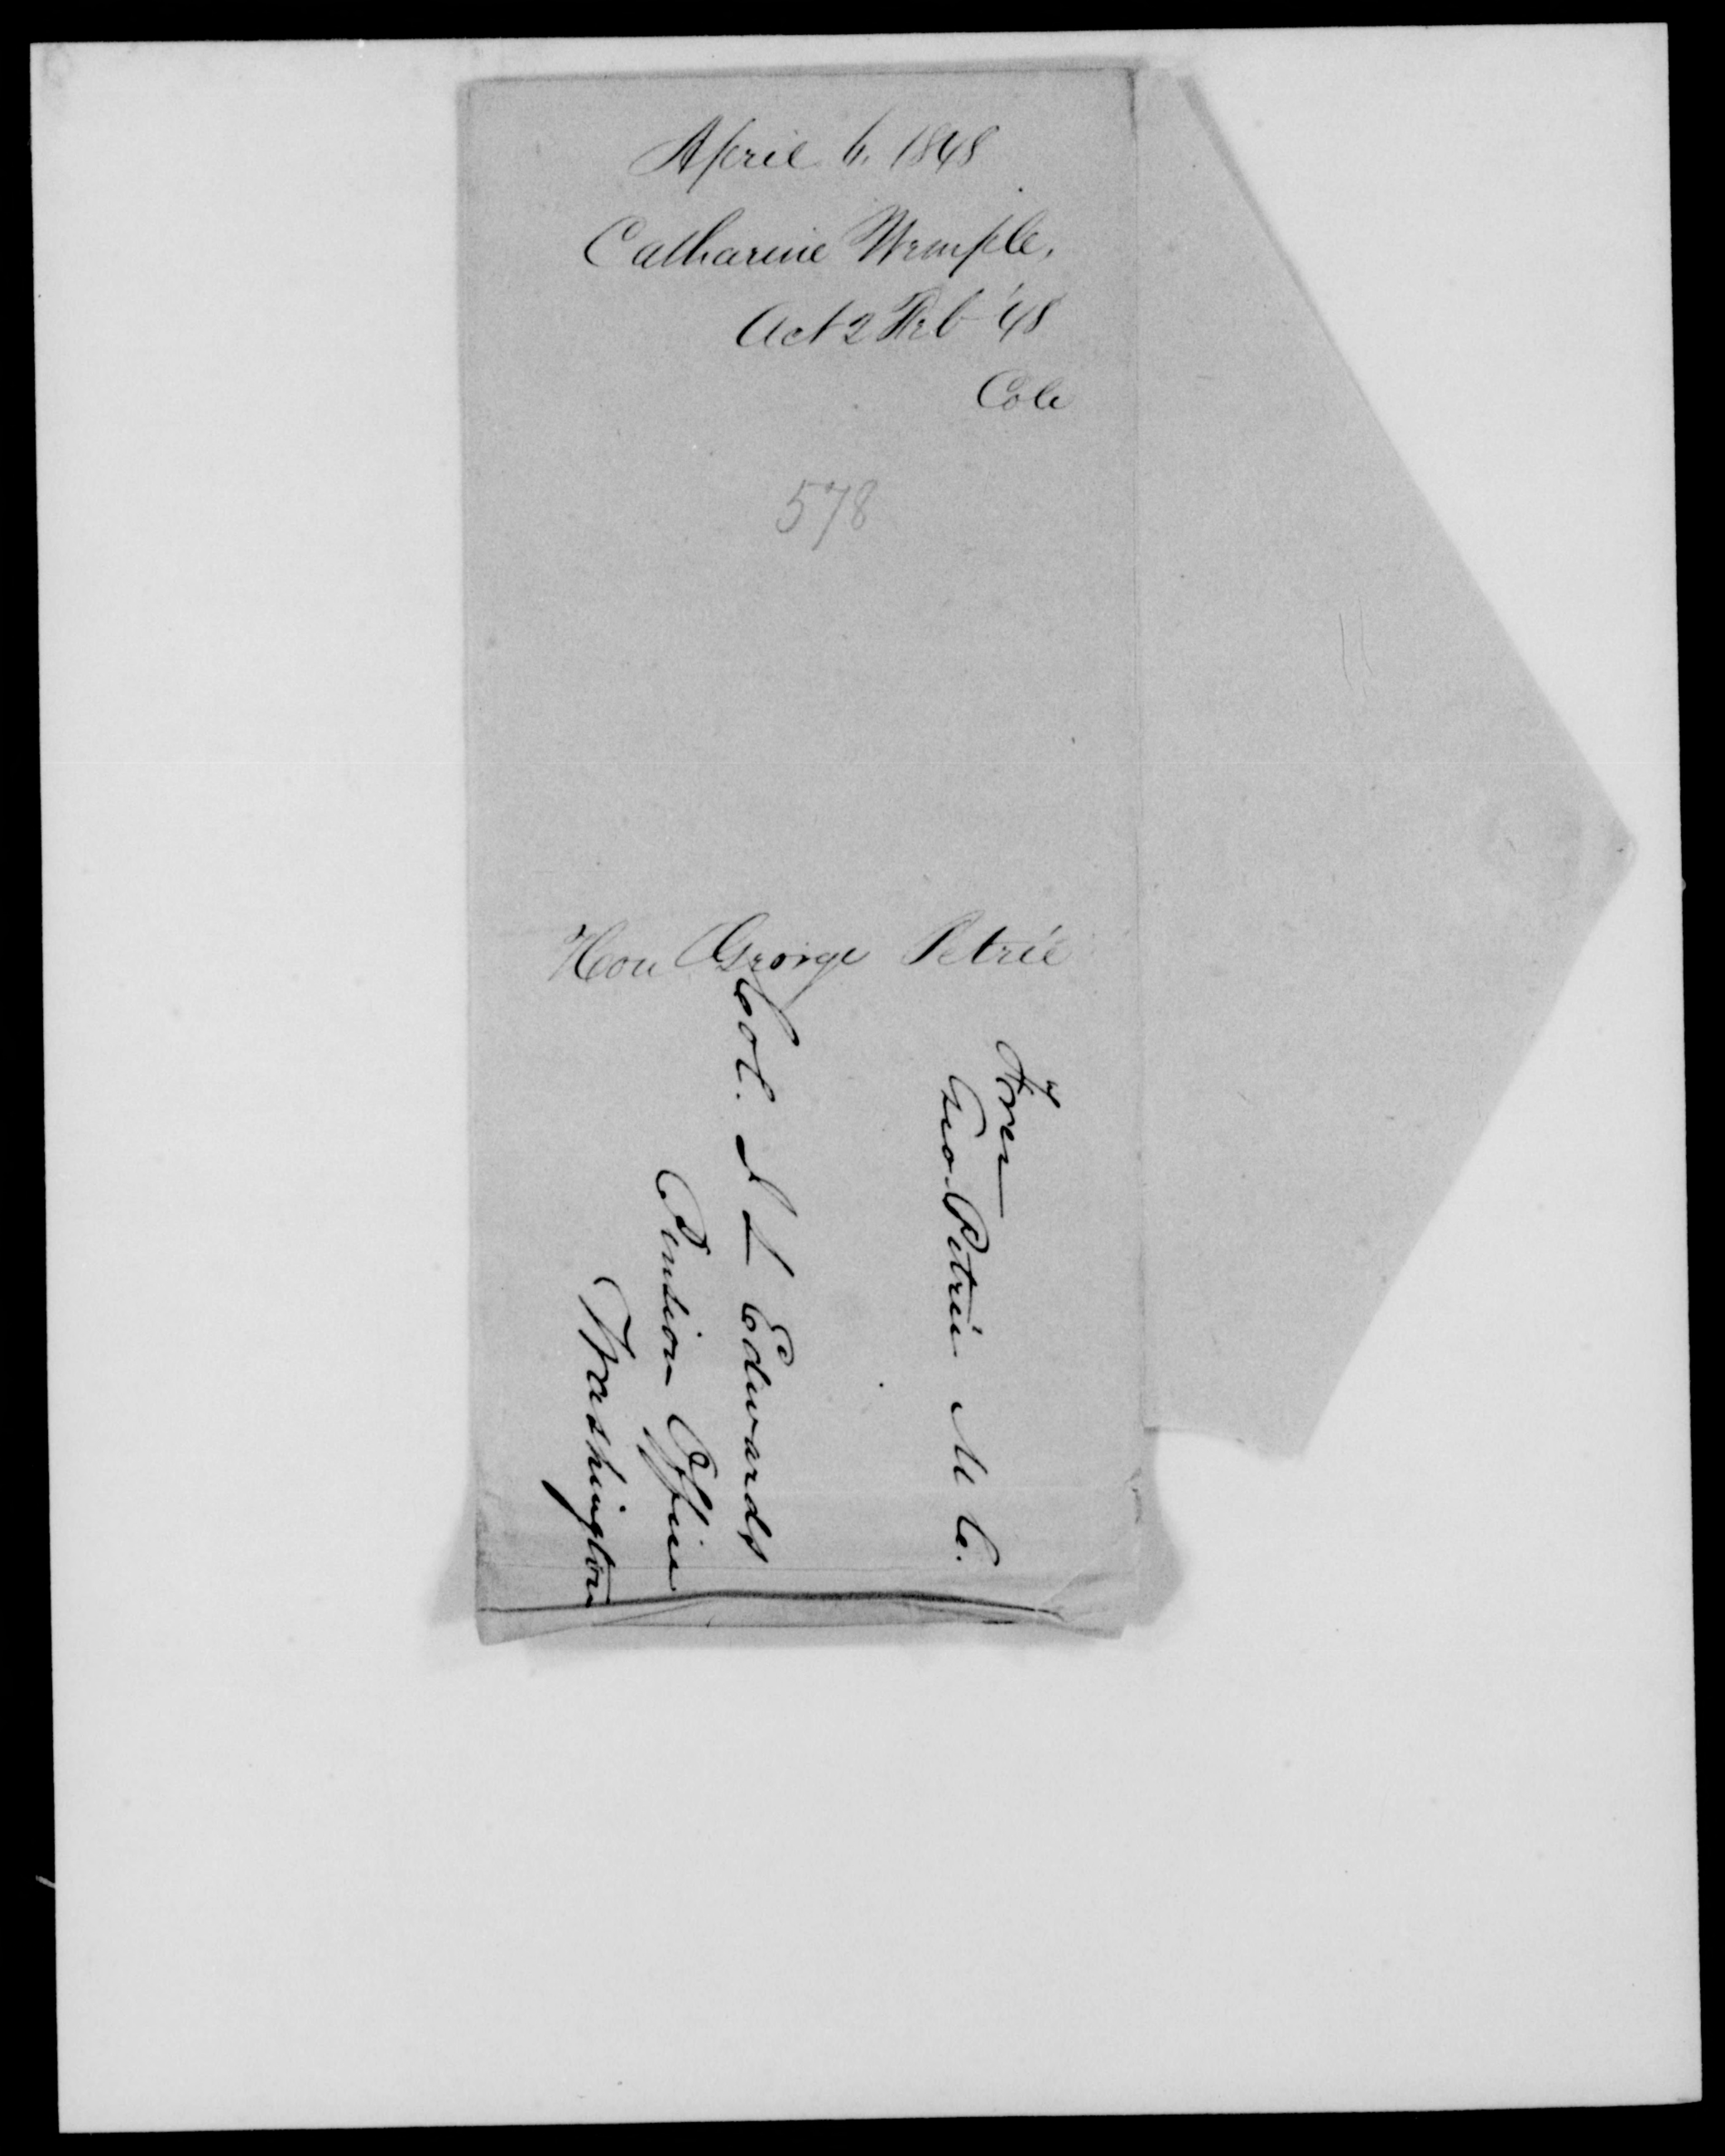April 6, 1848
Catharine Wemple,
Act 2 Feb '48
Cole

578

Hon George Petrie

(written sideways)
Hon Geo. Petrie M C

Col. J L Edwards
Pension Office
Washington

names: J L Edwards, Catharine Wemple, George Petric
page: 41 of 51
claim: widow's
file: W. 19604, Myndert B Wemple, New York